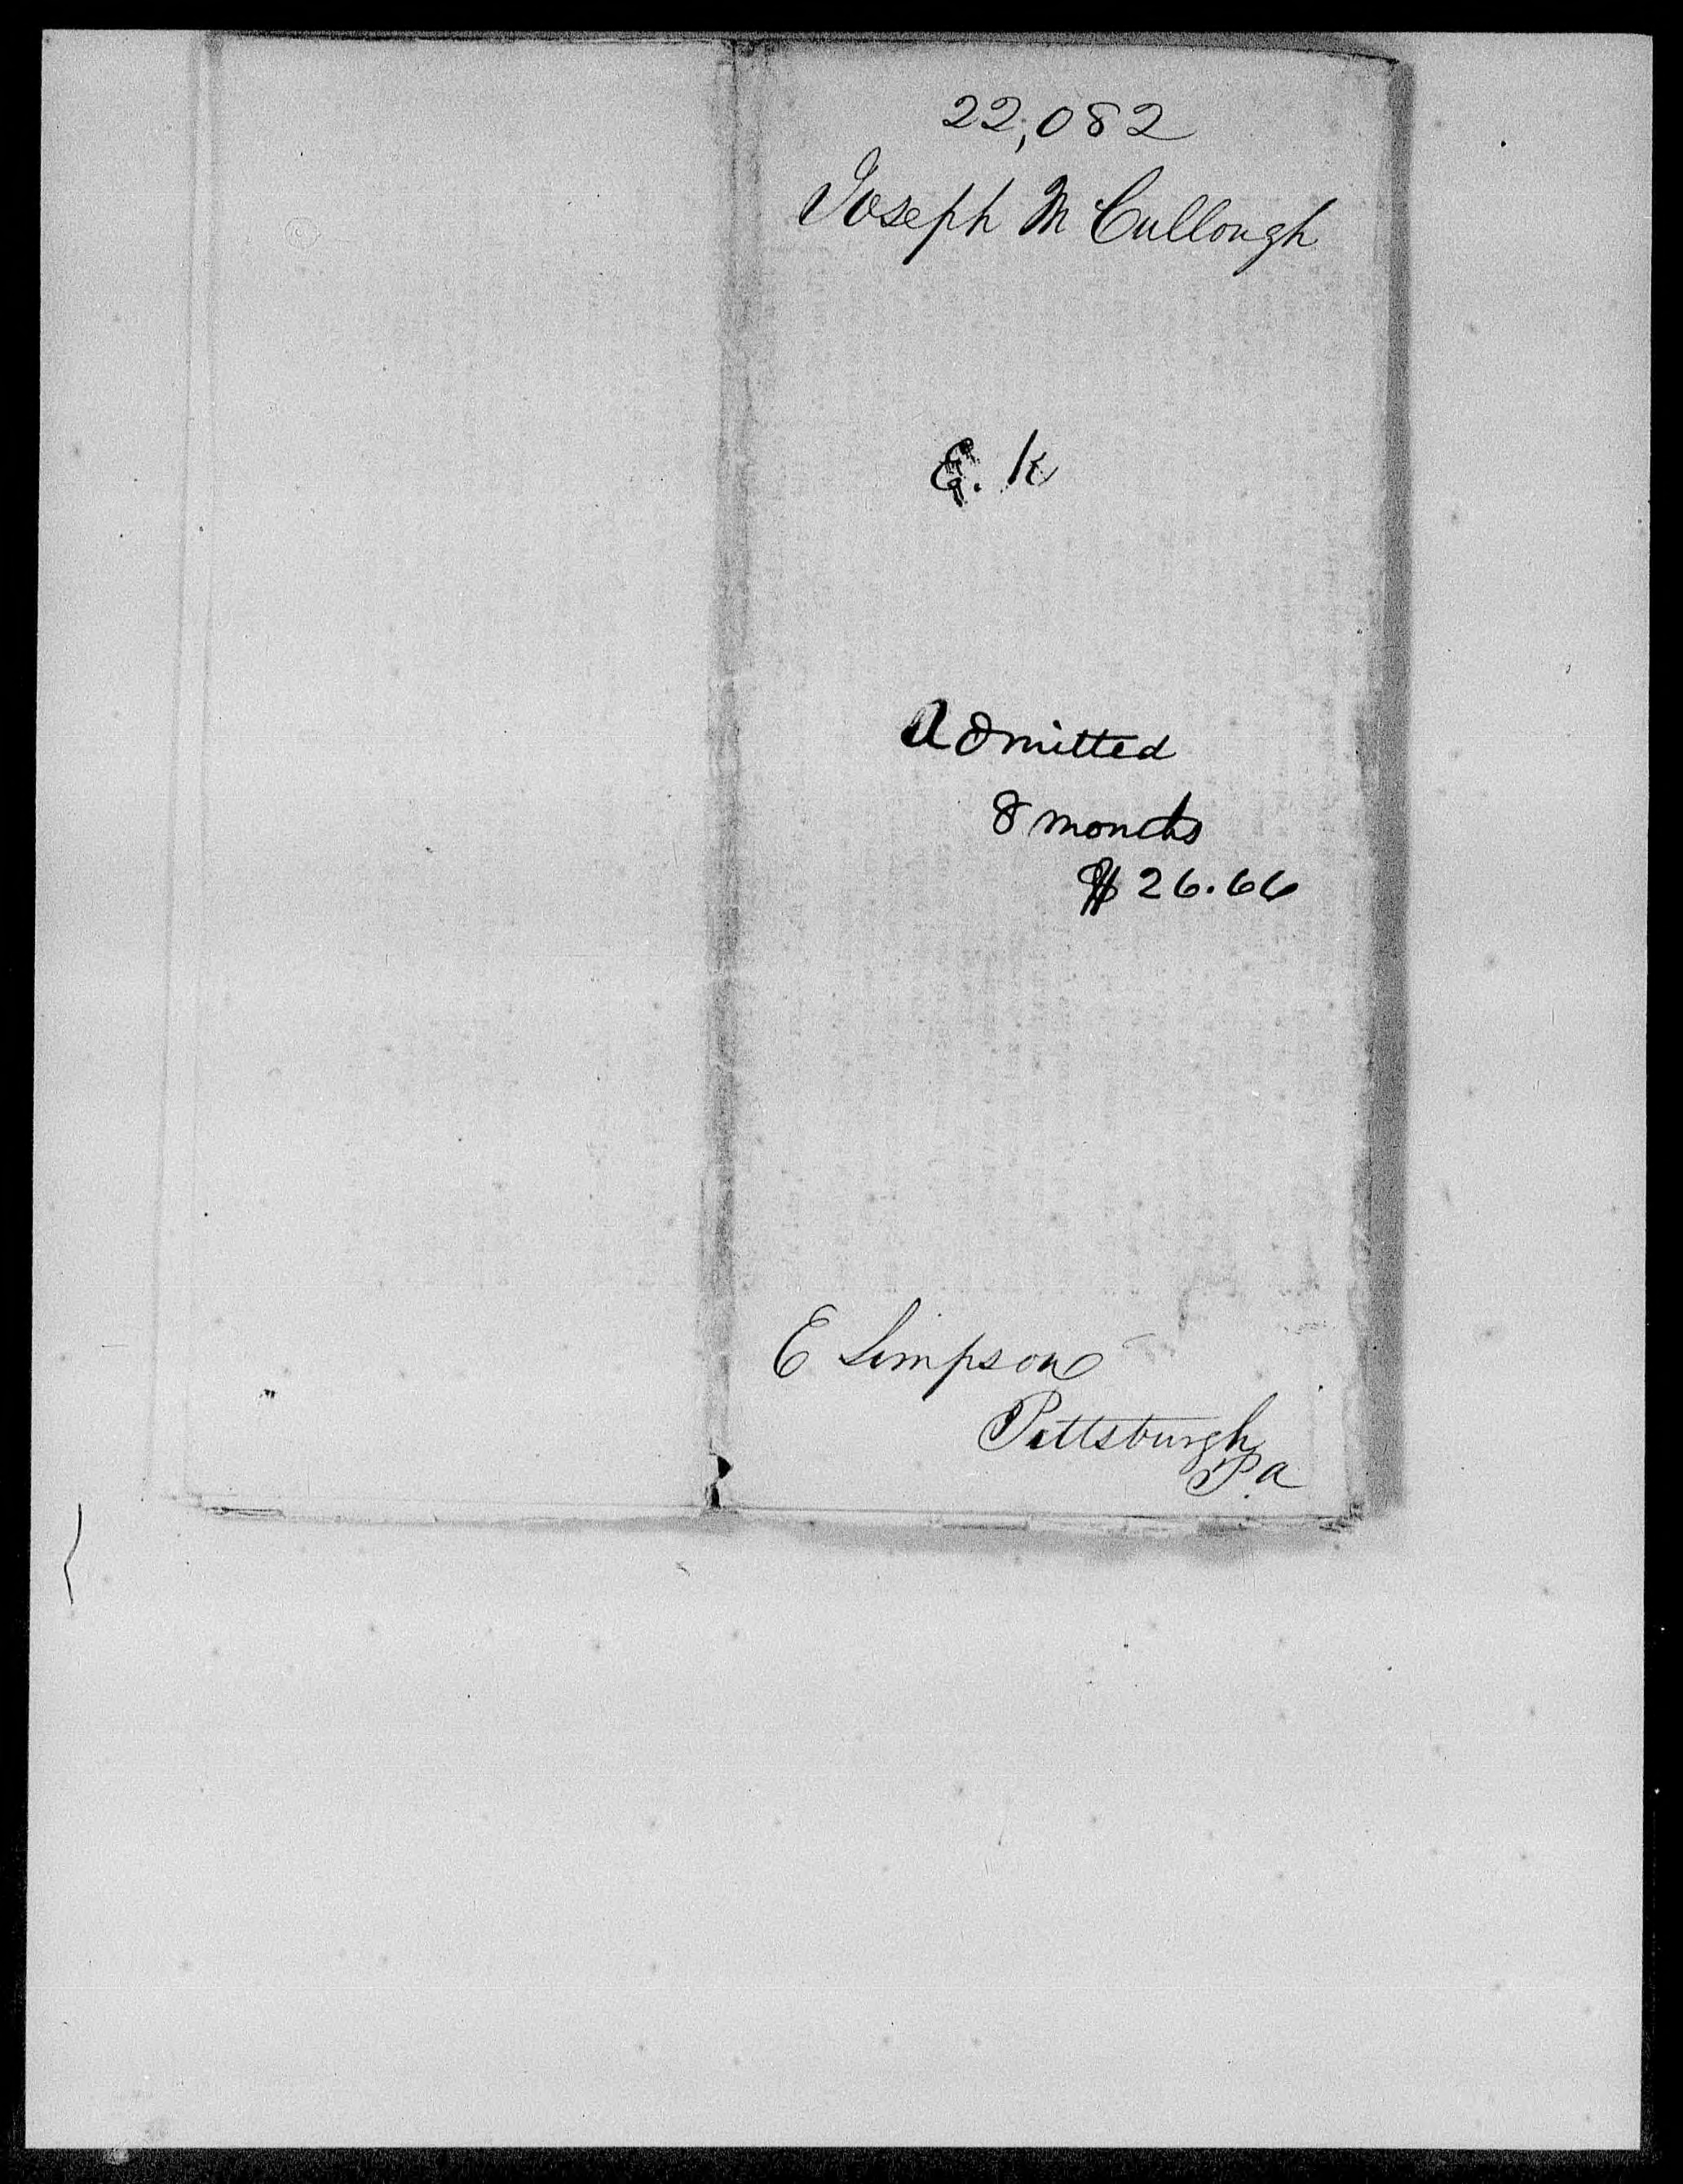22,082
Joseph McCullough

E. R. (possibly)

admitted
8 months
$26.66

E. Simpson
Pittsburgh PA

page: 8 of 30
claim: widow's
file: W. 2146, for Joseph Mc Collock, Pennsylvania